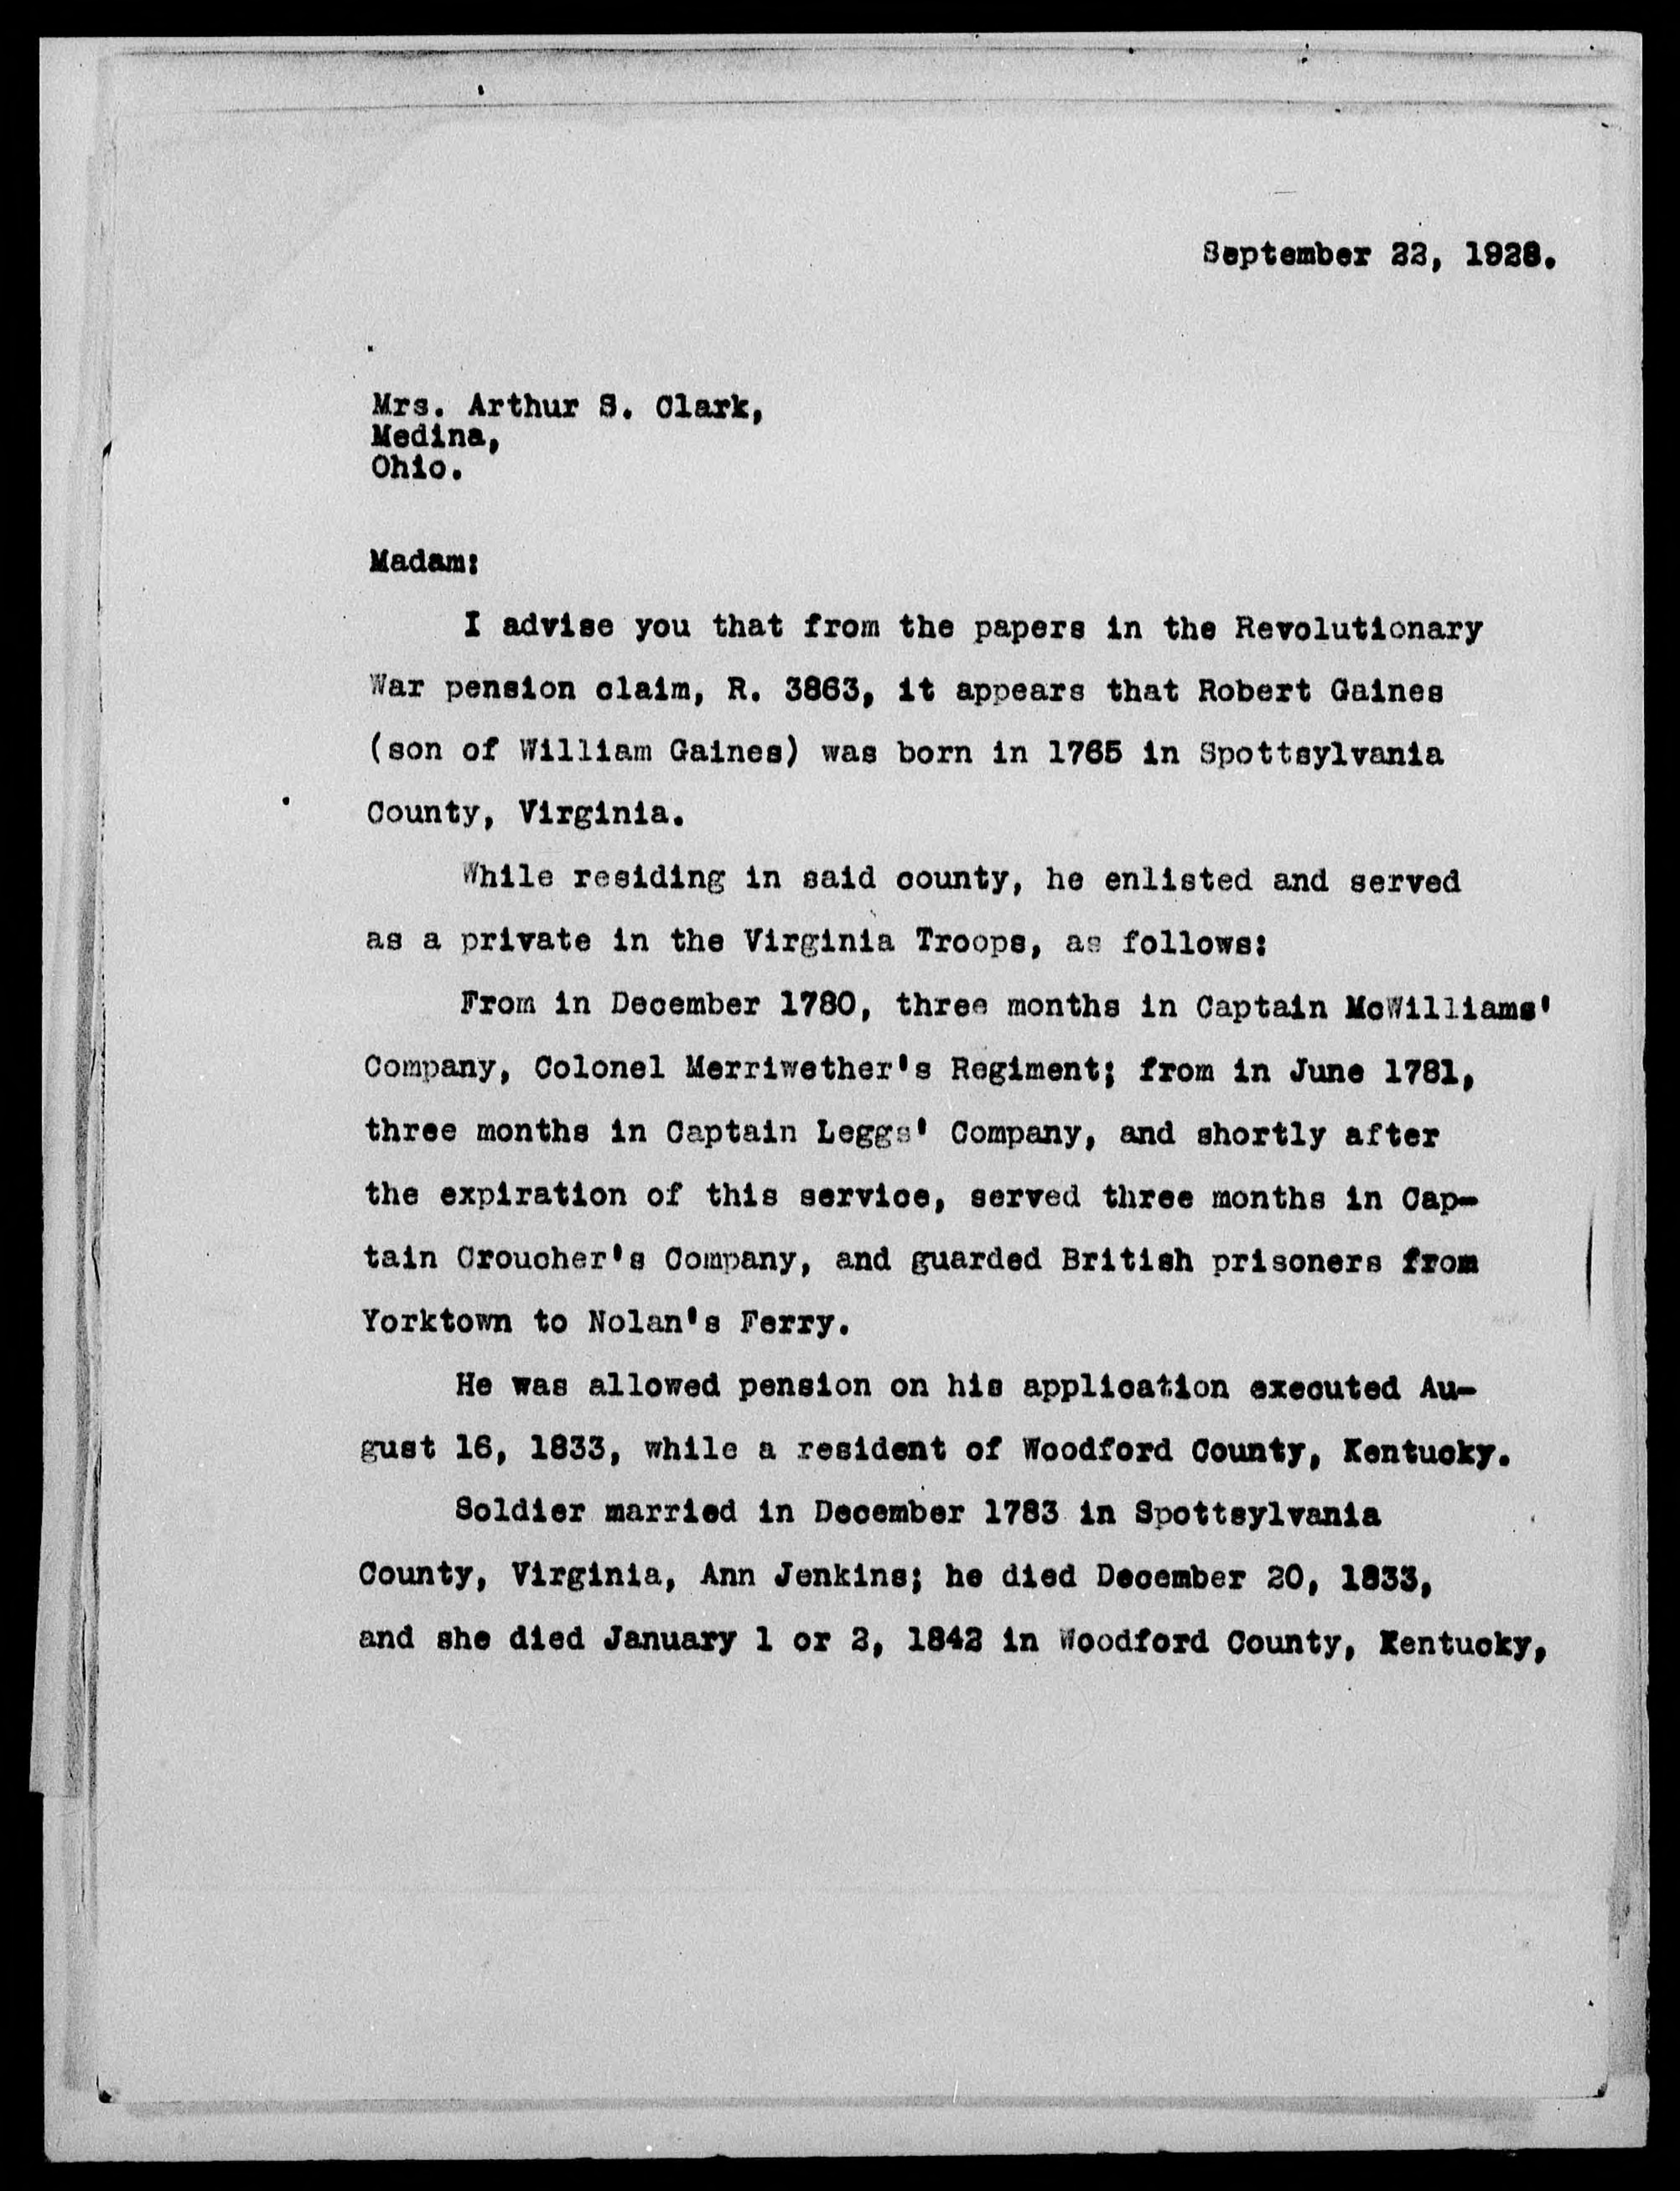September 22, 1928.
Mrs. Arthur S. Clark,
Medina,
Ohio.
Madam:

I advise you that from the papers in the Revolutionary War
pension claim, R. 3863, it appears that Robert Gaines
(son of William Gaines) was born in 1765 in Spottsylvania
County, Virginia.
While residing in said county, he enlisted and served
as a private in the Virginia Troops, as follows:
From in December 1780, three months in Captain McWilliams'
Company, Colonel Merriwether's Regiment; from in June 1781,
three months in Captain Leggs' Company, and shortly after
the expiration of this service, served three months in Captain
Croucher's Company, and guarded British prisoners from
Yorktown to Nolan's Ferry,
He was allowed pension on his application executed August
16, 1833, while a resident of Woodford County, Kentucky.
Soldier married in December 1783 in Spottsylvania
County, Virginia, Ann Jenkins; he died December 20, 1833,
and she died January 1 or 2, 1842 in Woodford County, Kentucky,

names: William Gaines, Robert Gaines, Ann Jenkins, Arthur S Clark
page: 29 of 79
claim: rejected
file: R. 3863, Robert Gaines, Va.